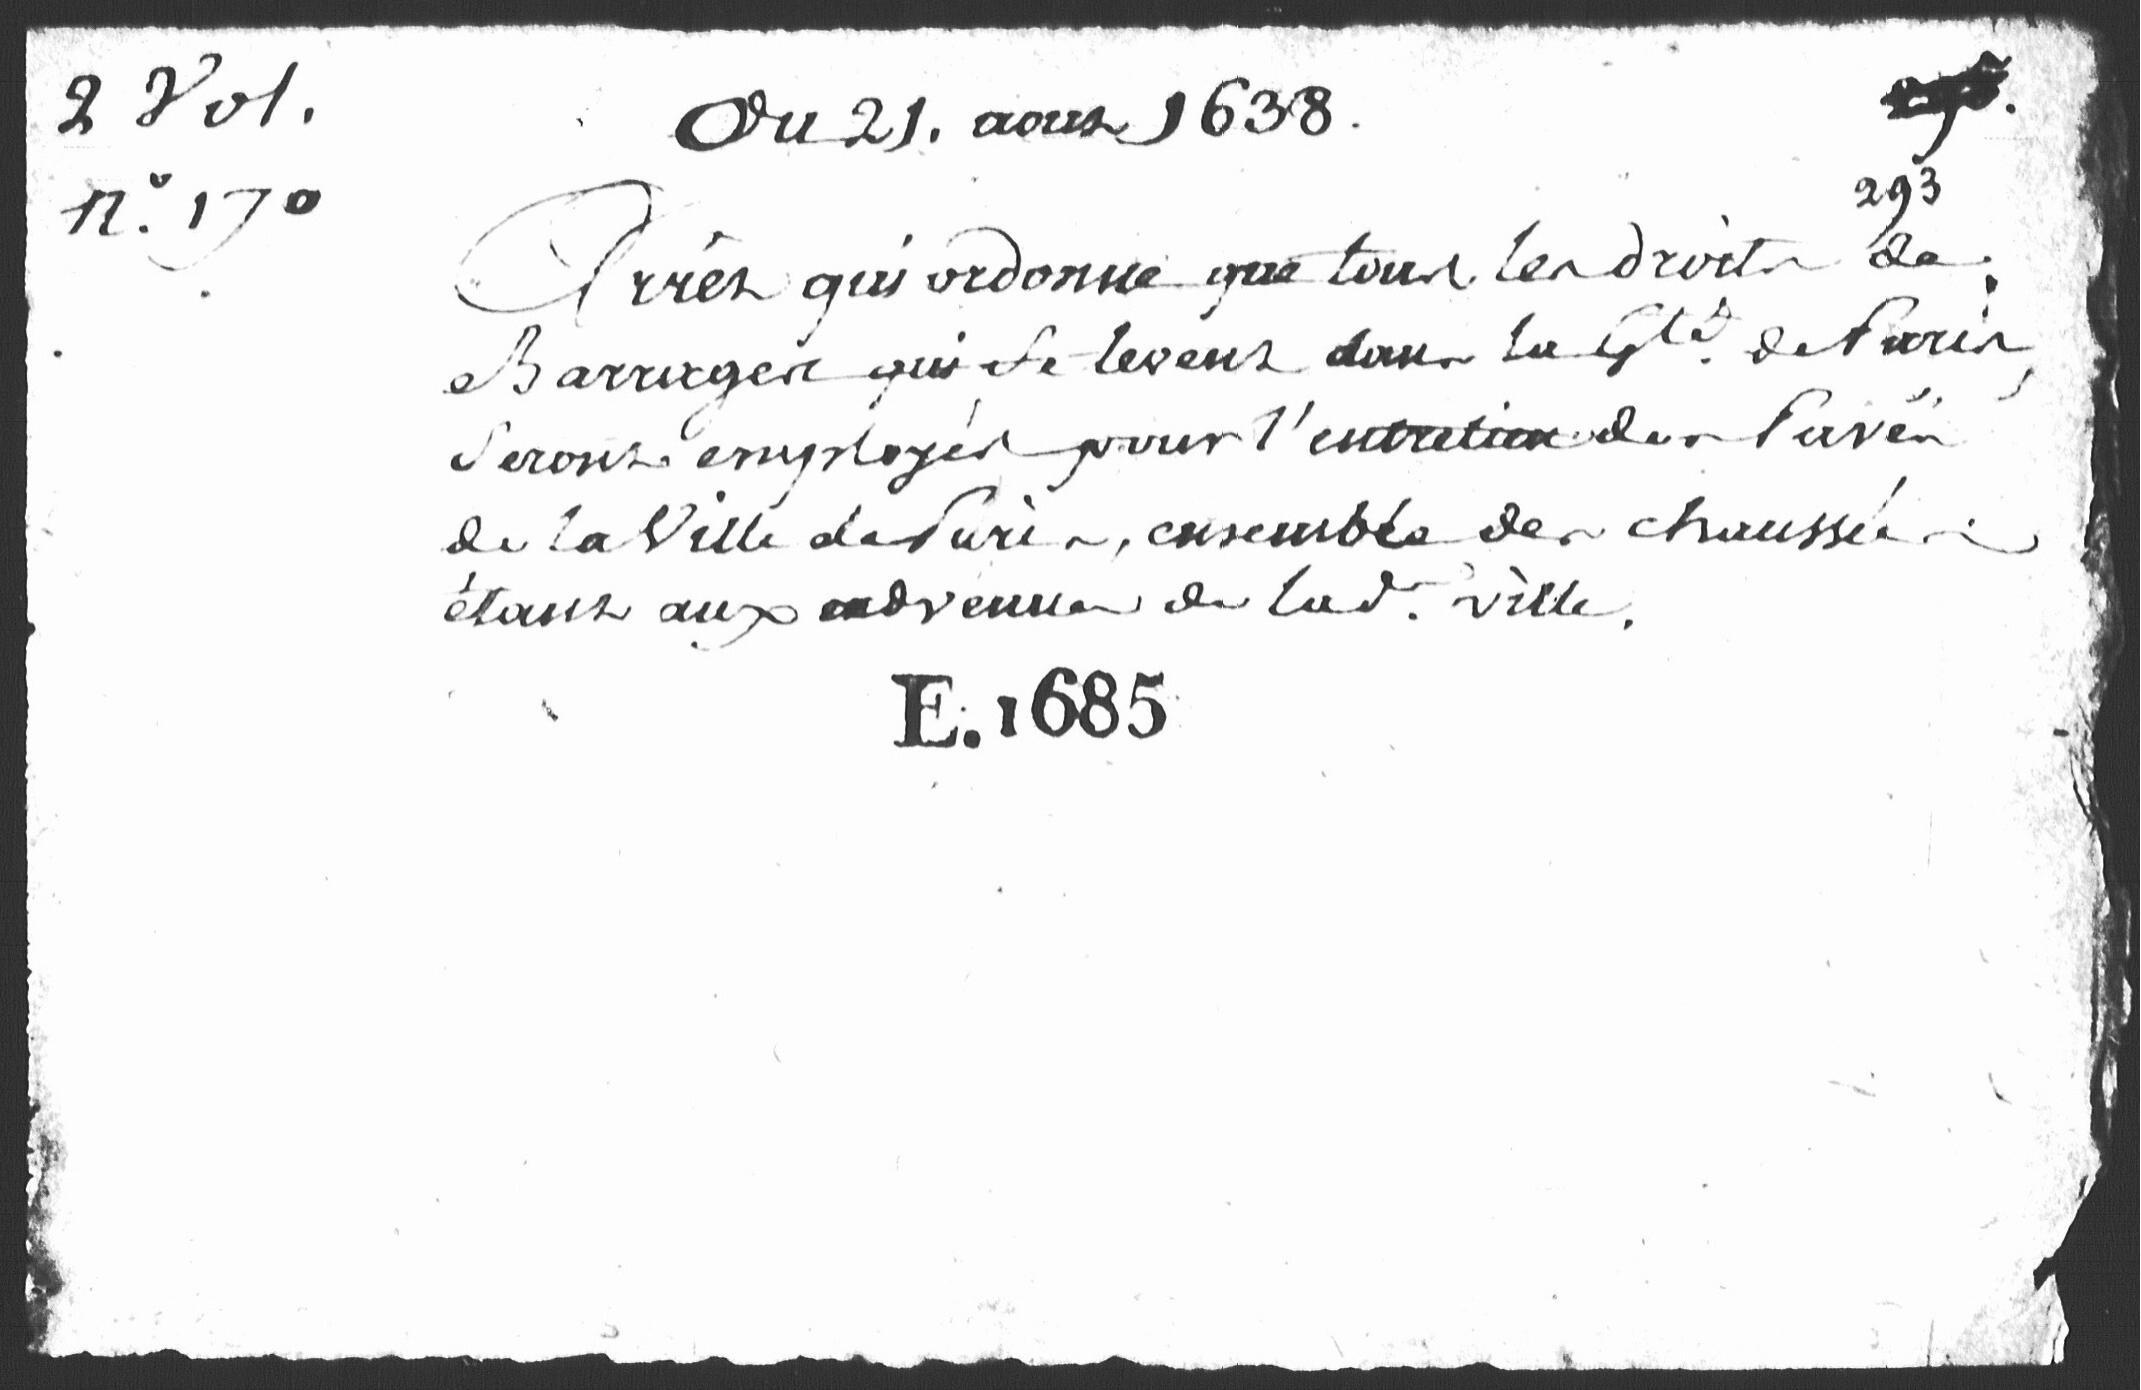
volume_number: n°170
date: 21 août 1638
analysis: [295 barré] 293
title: Arrêt qui ordonne que tous les droits de Barrages qui se lèvent dans la G.té de Paris, seront employés pour l'entretien des pavés de la Ville de paris, ensemble des chaussées étant aux advenues de lad. ville.
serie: E
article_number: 1685
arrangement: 2 vol.
